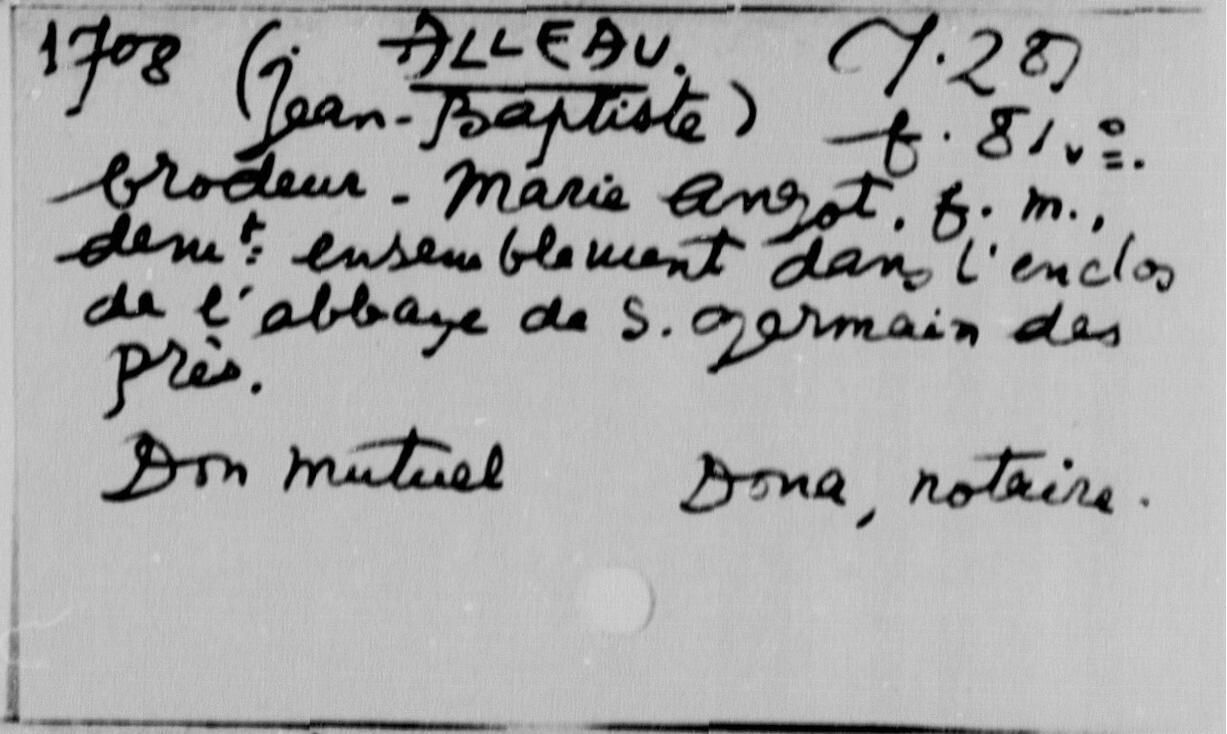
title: ALLEAU (Jean-Baptiste)
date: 1708
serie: Y
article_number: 281
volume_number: folio 81 verso
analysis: brodeur Marie Angot, fille majeure demeurant ensemblement dans l'enclos de l'abbaye de Saint Germain des Prés Don mutuel Dona, notaire
